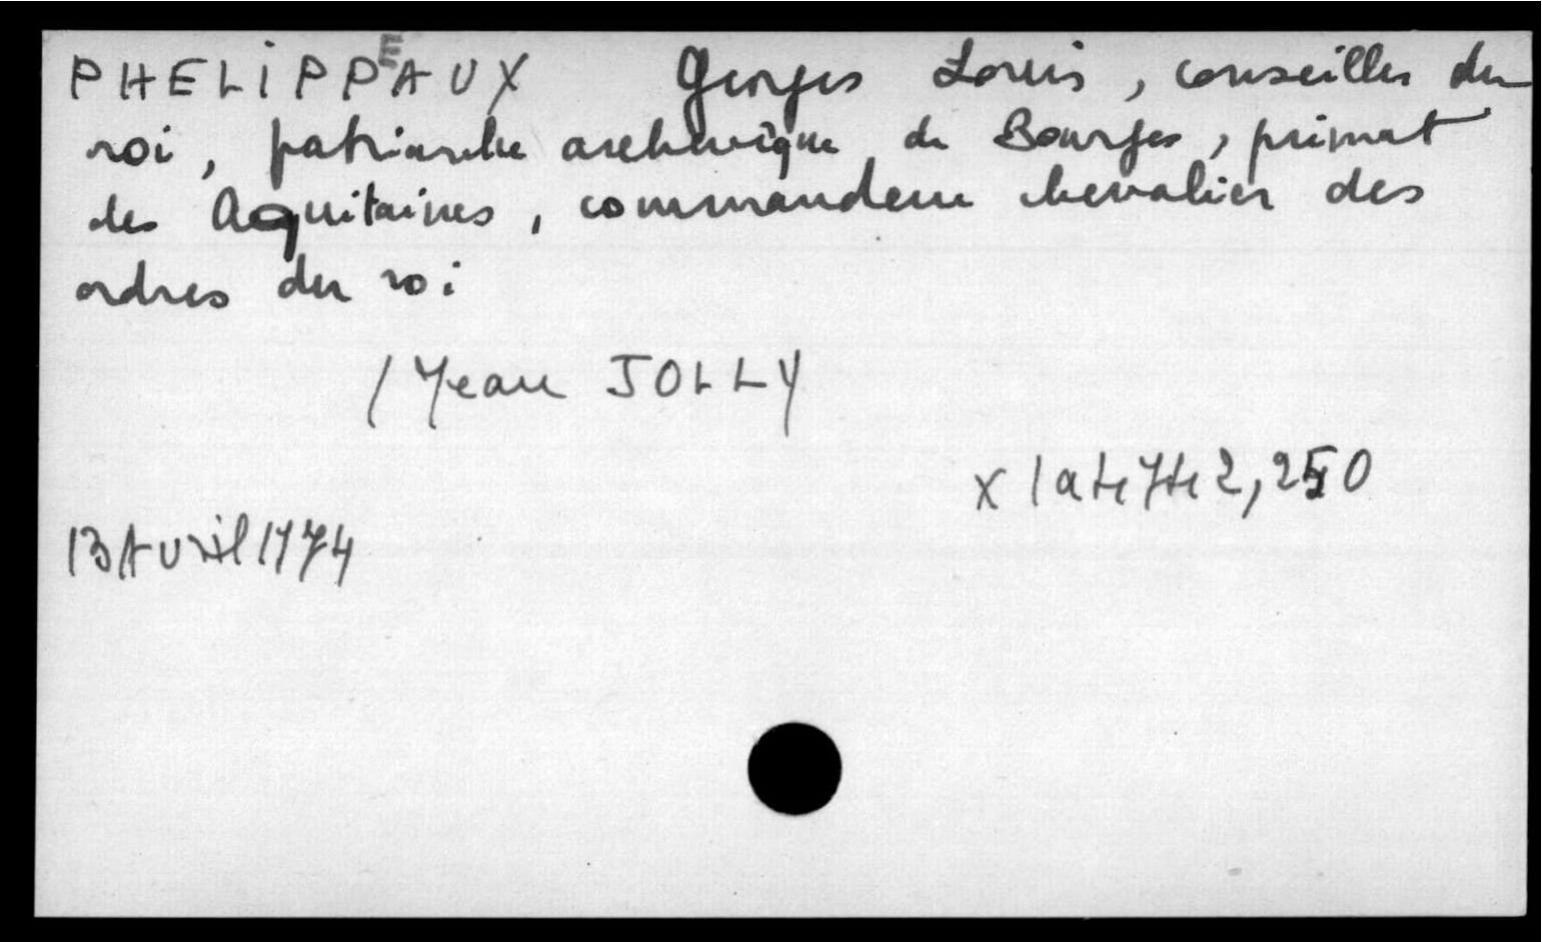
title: PHELIPPEAUX (Georges Louis), conseiller du roi, patriarche archevêque de Bourges, primat des Aquitaines, commandeur chevalier des ordres du roi
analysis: Contre Jean JOLLY
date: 13 avril 1774
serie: X1a
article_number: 4742
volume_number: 250
